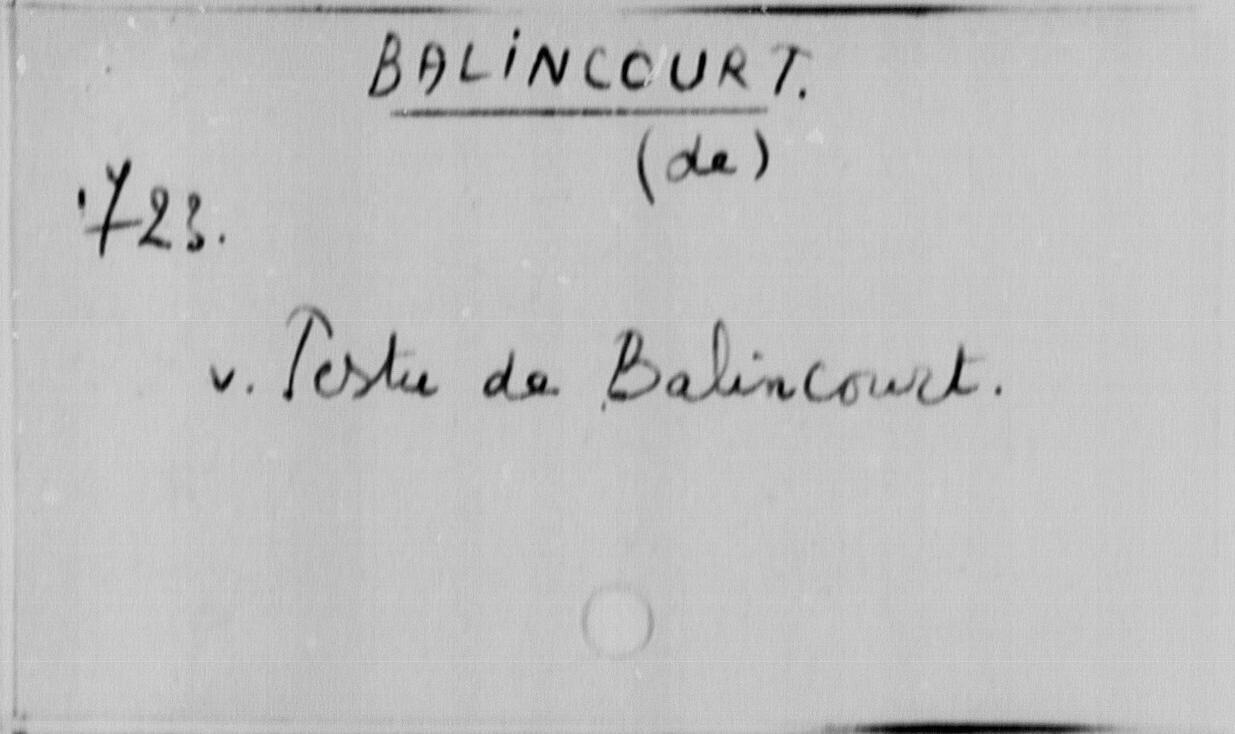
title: BALINCOURT (de)
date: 1723
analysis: Voir Testu de Balincourt
